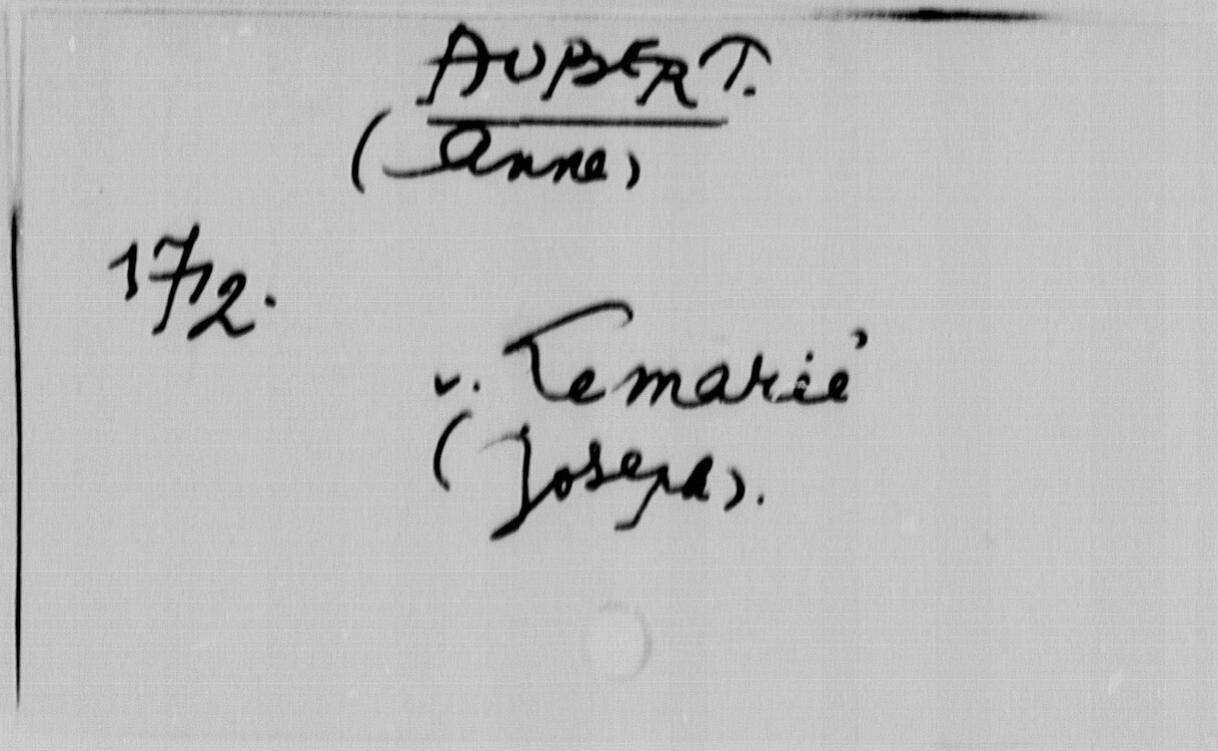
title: AUBERT (Anne)
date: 1712
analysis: Voir LEMARIE (Joseph)
